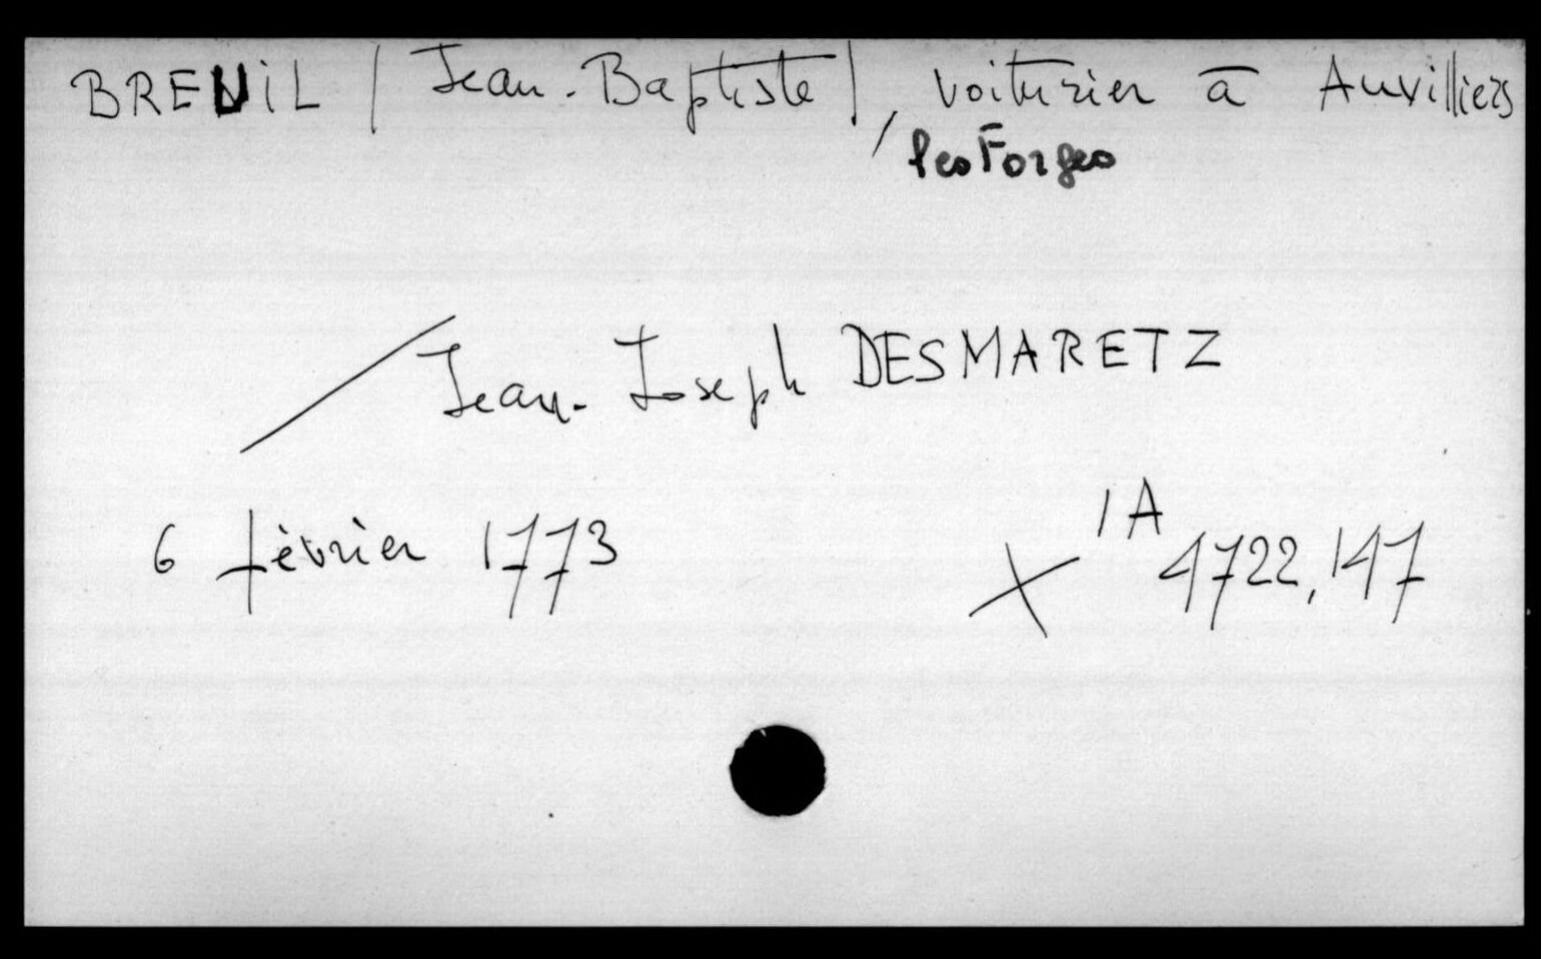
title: BREUIL (Jean-Baptiste) Voiturier à Auvilliers les Forges
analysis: Contre Jean-Joseph DESMARETZ
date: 6 février 1773
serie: X1A
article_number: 4722
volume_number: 147
